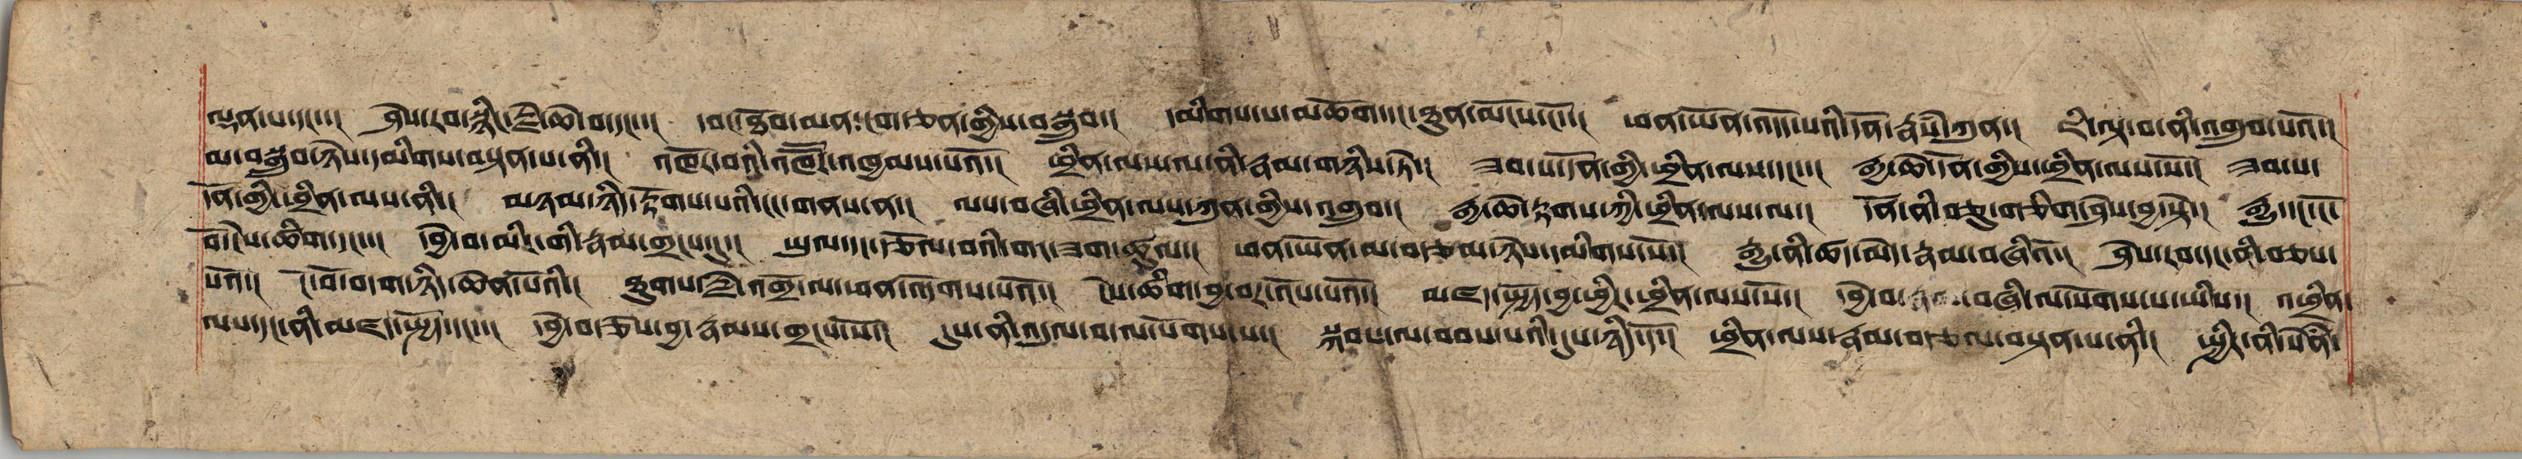ལྡན་པ་དང་་། ཤེས་རབ་སྙིང་རྗེ་ཆེ་བ་དང་་། དབང་ཐོབ་མན་ངག་ཅན་གྱིས་བསྒྲུབ་། དམིགས་པ་མཆོག་དང་ཐུན་མོངས་ངོ་་། ཕན་ཡོན་འདོད་པའི་དོན་རྣཾས་ཀུན་། ཇི་ལྟ་བ་ནི་འགྲུབ་པའོ་།
མ་བསྒྲུབ་ཉེས་དམིགས་བསྟན་པ་ནི་། འཁོར་བའི་འཁཽར་འཁྱམས་པའོ་། ཕྲིན་ལས་ལ་ནི་རྣམ་གཉིས་ཏེ་། ཟབ་པ་དོན་གྱི་ཕྲིན་ལས་དང་་། རྒྱ་ཆེ་དོན་གྱིས་ཕྲིན་ལས་སོ་། ཟབ་པ་
དོན་གྱི་ཕྲིན་ལས་ནི་། མཉམ་ཉིད་རྟོགས་པའི་ངང་གནས་ན་། ལས་བཞི་ཕྲིན་ལས་ཀུན་གྱིས་འགྲུབ་། རྒྱ་ཆེ་རྟགས་ཀྱི་ཕཕྲིན་ལས་ལ་། དོན་ནི་བཅུ་གཅིག་ཤེས་བྱ་སྟེ་། རྒྱུ་དང་ངོ་
བོ་ངེས་ཚིག་དང་་། དབྱེ་བ་མིང་གི་རྣམ་གྲངས་དུ་། ཡུལ་དང་རྩོལ་བའི་གང་ཟག་ཚུལ་། ཕན་ཡོན་མ་བརྩལ་ཉེས་དམིགས་སོ་། རྒྱུ་ནི་ཚད་མེད་རྣམ་བཞིའོ་། ཤེས་རབ་དང་ནི་བཅས་
པའོ་། ངོ་བོ་བདག་ཉིད་ཆེན་པོའི་། ཐུགས་རྗེ་འགྲོ་ལ་ཕན་འདོགས་པའོ་། ངེས་ཚིག་བྱ་བར་འོང་པའོ་། མཛད་སྤྱོད་བྱ་ཕྱིར་ཕྲིན་ལས་སོ་། དབྱེ་བ་རྣམ་བཞི་ལ་སོགས་པ་ཡིས་། འཕྲིན་
ལས་དང་ནི་མཛད་སྤྱོད་དང་་། དབྱེ་བ་ཅེས་བྱ་རྣམས་གྲངས་སོ་། དུས་ནི་འདུལ་བ་ལ་སོགས་པ་། སྐབས་ལ་བབས་པའི་དུས་ཉིད་དོ་། ཕྲིན་ལས་རྣམ་བརྩལ་བསྟན་པ་ནི་། སྤྱིར་ནི་སེཾན་